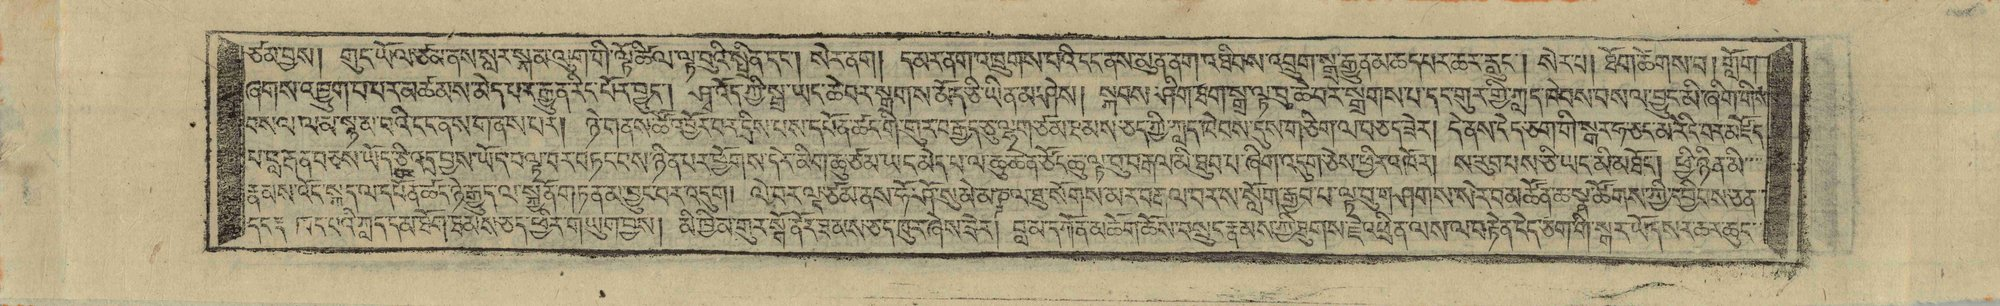ཙམ་བྱས། གུང་ཡོལ་ཙམ་ནས་སླར་སྐམ་ལུག་གི་ལྟོ་ཚིལ་ལྟ་བུའི་སྤྲིན་དང་། སེར་ནག །དམར་ནག་འཁྲུགས་པའི་ངང་ནས་མུན་ནག་འཐིབས་འབྲུག་སྒྲ་རྒྱུན་མ་ཆད་པར་ཆར་རླུང་། སེར་པ། ཐོག་ཆོགས་པ། གློག་
ཞགས་འཁྱུག་བ་པར་མཚམས་མེད་པར་རྒྱུན་རིང་པོར་བྱུང་། ཤྭ་འོད་ཀྱི་སྒྲ་ཡང་ཆེ་བར་སྒྲགས་མོད་ཅི་ཡིན་མ་ཤེས། སྐབས་ཤིག་ཐག་སྒྲ་ལྟ་བུ་ཆེ་བར་སྒྲགས་པ་དང་གུར་གྱི་ཀླད་ཁེབས་བསལ་བྱུང་མི་ཞིག་གིས་
བསལ་ལམ་སྙམ་པའི་ངང་ནས་གནས་པར། ཉེ་གནས་ཚོ་འབྱོར་བར་དྲིས་པས་དཔོན་ཚང་གི་གུར་བརྒྱད་ཅུ་ལྷག་ཙམ་ཐམས་ཅད་ཀྱི་ཀླད་ཁེབས་དུས་གཅིག་ལ་བཅད་ཟེར། དེ་ནས་ངེད་ཅག་གི་སྒར་ཧ་ཅང་མེ་རིང་བར་མཛོད་
པ་བླ་རྒན་བཅས་ཡོད་པར་ཅི་འདྲ་བྱས་ཡོད་བལྟ་བར་བཏང་བས་ཉིན་པར་ཕྱོགས་དེར་མིག་ཆུ་ཙམ་ཡང་མེད་པ་ལ་ཆུ་ཆེན་ཙོང་ཆུ་ལྟ་བུ་བརྒལ་མི་ཐུབ་པ་ཞིག་འདུག་ཅེས་ཕྱིར་འཁོར། ས་རུབ་པས་ཅི་ཡང་མི་མཐོང་། ཕྱི་ཉིན་མི་
རྣམས་འོང་སྐད་ལ་དཔོན་ཚང་ཉེ་རྒྱུད་ལ་སྐྱོན་གཏན་མ་བྱུང་བར་འདུག །ལེ་བར་ལྔ་ཙམ་ནས་ཧོ་ཤོ་སུ་མེ་མཎྜལ་ཐུ་སོགས་མར་བརྒལ་བར་ས་སློག་རྒྱབ་པ་ལྟ་བུ་གཤགས་སེར་བ་མཚོན་ཆ་སྣ་ཚོགས་ཀྱི་དབྱིབས་ཅན་
དང་། ཁང་པའི་ཀླད་དམ་ཐོག་ཐམས་ཅད་ཕྱིར་གཡུག་བྱས། མི་ཁྱིམ་གུར་སྒོ་ནོར་ཐམས་ཅད་ཁུར་ཞེས་ཟེར། བླ་མ་དཀོན་མཆོག་ཆོས་བསྲུང་རྣམས་ཀྱི་ཐུགས་རྗེ་འཕྲིན་ལས་ལ་བརྟེན་ངེད་ཅག་གི་སྒར་ཡོད་སར་ཆར་ཆུང་